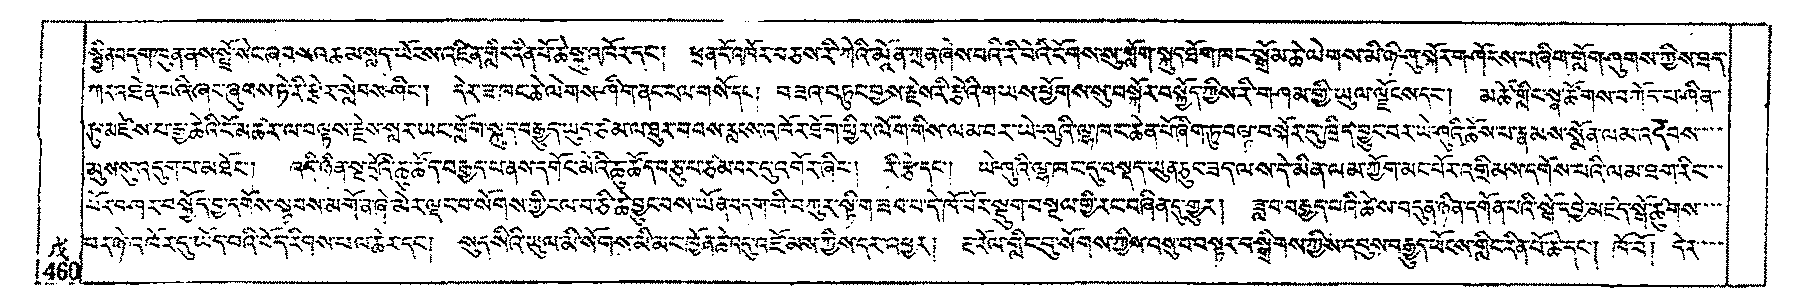སྦྱིན་བདག་ཁུན་ནས་སྤྲོ་སེང་ཞབས་འཆམ་སླད་ཡོངས་འཛིན་གླིང་རིན་པོ་ཆེ་སྐུ་འཁོར་དང་། ཕྲན་ངོ་འཁོར་བཅས་རི་ཀེའི་མOན་ཀྲན་ཞེས་པའི་རི་བོའི་ངོགས་སུ་གློག་སྐུད་ཐོག་ཁང་སྒྲོམ་ཆེ་ལེགས་མི་ཉི་ཤུ་སྐོར་གཤོངས་པ་ཞིག་གློག་ཤུགས་ཀྱིས་ཐད་
ཀར་འཐེན་པའི་ཞང་ཞུགས་ཏེ་རི་རྩེར་སླེབས་ཤིང་། དེར་ཟ་ཁང་ཆེ་ལེགས་ཤིག་ནང་ངལ་གསོ་དང་། བཟའ་བཏུང་བྱས་རྗེས་རི་རྩེའི་གཡས་ཕྱོགས་སུ་བསྐོར་བསྐྱོད་ཀྱིས་རི་གཤམ་གྱི་ཡུལ་ལྗོངས་དང་། མཚོ་གླིང་སྣ་ཚོགས་བཀོད་པ་ཤིན་
ཏུ་མཛེས་པ་རྒྱ་ཆེའི་ངོ་མཚར་ལ་བལྟས་རྗེས་སླར་ཡང་གློག་སྐུད་བརྒྱུད་ཡུད་ཙམ་ལ་ཐུར་བབས་རླངས་འཁོར་ཐོག་ཕྱིར་ལོག་གིས་ལམ་བར་ཡེ་ཤུའི་ལྷ་ཁང་ཆེན་པོ་ཞིག་ཏུ་བལྟ་བསྐོར་དུ་ཁྲིད་བྱུང་བར་ཡེ་ཤུའི་ཆོས་པ་རྣམས་སྨོན་ལམ་འདེབས་
མུས་སུ་འདུག་པ་མཐོང་། འདི་ཉིན་སྔ་དྲོའི་ཆུ་ཚོད་བརྒྱད་པ་ནས་དགོང་མོའི་ཆུ་ཚོད་བཅུ་པ་ཙམ་བར་དུ་འགོར་ཞིང་། རི་རྩེ་དང་། ཡེ་ཤུའི་ལྷ་ཁང་དུ་བསྡད་ཡུན་ཅུང་ཟད་ལས་དེ་མིན་ལམ་ཀྱོག་མང་པོར་འགྲིམས་དགོས་པའི་ལམ་ཐག་རིང་
པོར་བཤར་བསྐྱོད་བྱ་དགོས་སྟབས་མགོན་ཞེ་མེར་ལྡང་བ་སོགས་ཀྱི་ངལ་བ་ཅི་ཆེ་བྱུང་བས་ཡོན་བདག་གི་བཀུར་སྟི་གཟབ་པ་དེ་ཁོ་བོར་སྡུག་བསྔལ་གྱི་རང་བཞིན་དུ་གྱུར། ཟླ་བ་བརྒྱད་པའི་ཚེས་བདུན་ཉིན་དགོན་པའི་སྒོ་དབྱེ་མཛད་སྒོ་ཚུགས་
པར་ཉེ་འཁོར་དུ་ཡོད་པའི་བོད་རིགས་ཕལ་ཆེར་དང་། སུད་སིའི་ཡུལ་མི་སོགས་མི་མང་ཁྱོན་ཆེ་འདུ་འཛོམས་ཀྱིས་དར་འཕྱར། རྔ་རོལ་གླིང་བུ་སོགས་ཀྱིས་བསུ་བ་བསྟར་བསྒྲིགས་ཀྱིས་དབུས་བརྒྱུད་ཡོངས་གླིང་རིན་པོ་ཆེ་དང་། ཁོ་བོ། དེར་